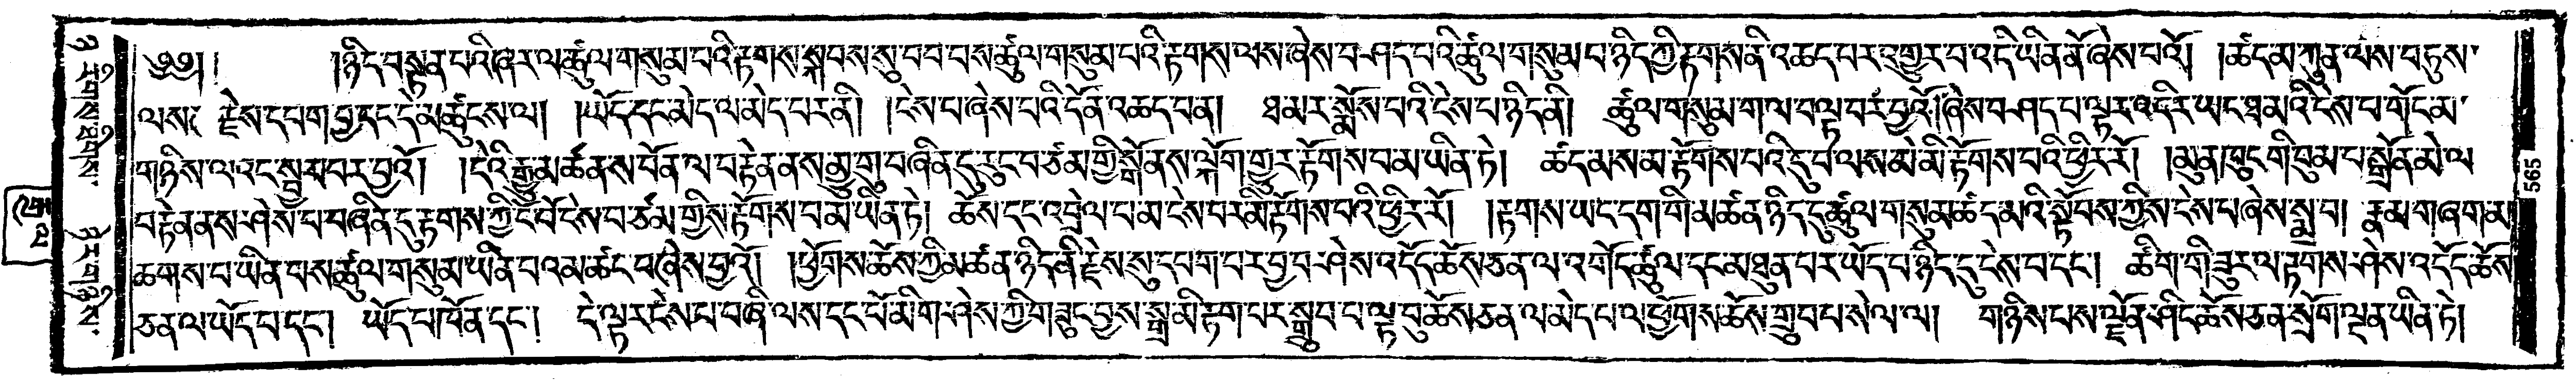༄༅། །ཉིད་བསྟན་པའི་ཞར་ལ་ཚུལ་གསུམ་པའི་རྟགས་སྐབས་སུ་བབ་པས་ཚུལ་གསུམ་པའི་རྟགས་ལས་ཞེས་བཤད་པའི་ཚུལ་གསུམ་པ་ཉིད་ཀྱི་རྟགས་ནི་འཆད་པར་འགྱུར་བ་འདི་ཡིན་ནོ་ཞེས་པའོ། །ཚད་མ་ཀུན་ལས་བཏུས་
ལས༑ རྗེས་དཔག་བྱ་དང་དེ་མཚུངས་ལ། །ཡོད་དང་མེད་ལ་མེད་པར་ནི། །ངེས་པ་ཞེས་པའི་དོན་འཆད་པ་ན། ཐ་མར་སྨོས་པའི་ངེས་པ་ཉིད་ནི། ཚུལ་གསུམ་གལ་བལྟ་བར་བྱའོ། ཞེས་བཤད་པ་ལྟར་འདིར་ཡང་ཐ་མའི་ངེས་པ་གོང་མ་
གཉིས་ལའང་སྦྱར་བར་བྱའོ། །དེའི་རྒྱུ་མཚན་ས་བོན་ལ་རྟེན་ནས་མྱུ་གུ་བཞིན་དུ་རུང་བ་ཙམ་གྱི་སྒོ་ནས་ལྐོག་གྱུར་རྟོགས་པ་མ་ཡིན་ཏེ། ཚད་མས་མ་རྟོགས་པའི་དུ་བ་ལས་མེ་མི་རྟོགས་པའི་ཕྱིར་རོ། །མུན་ཁུང་གི་བུམ་པ་སྒྲོན་མེ་ལ་
བརྟེན་ནས་ཤེས་པ་བཞིན་དུ་རྟགས་ཀྱི་ངོ་བོ་ངེས་པ་ཙམ་གྱིས་རྟོགས་པ་མ་ཡིན་ཏེ། ཆོས་དང་འབྲེལ་བ་མ་ངེས་པར་མི་རྟོགས་པའི་ཕྱིར། །རྟགས་ཡང་དག་གི་མཚན་ཉིད་དུ་ཚུལ་གསུམ་ཚད་མའི་སྟོབས་ཀྱིས་ངེས་པ་ཞེས་སྨྲ་བ། རྣམ་གཞག་མ་
ཆགས་པ་ཡིན་པས་ཚུལ་གསུམ་ཡིན་པའམ་ཚང་བཞེས་བྱའོ། །ཕྱོགས་ཆོས་ཀྱི་མཚན་ཉིད་ནི་རྗེས་སུ་དཔག་པར་བྱ་བ་ཤེས་འདོད་ཆོས་ཅན་ལ་འགོད་ཚུལ་དང་མཐུན་པར་ཡོད་པ་ཉིད་དུ་ངེས་པ་དང་། ཚིག་གི་ཟུར་ལ་རྟགས་ཤེས་འདོད་ཆོས་
ཅན་ལ་ཡོད་པ་དང་། ཡོད་པ་ཁོ་ན་དང་། དེ་ལྟར་ངེས་པ་བཞི་ལས་དང་པོ་མིག་ཤེས་ཀྱི་གཟུང་བྱས་སྒྲ་མི་རྟག་པར་སྒྲུབ་པ་ལྟ་བུ་ཆོས་ཅན་ལ་མེད་པ་ལ་ཕྱོགས་ཆོས་གྲུབ་པ་སེལ་ལ། གཉིས་པས་ལྗོན་ཤིང་ཆོས་ཅན་སྲོག་ལྡན་ཡིན་ཏེ།